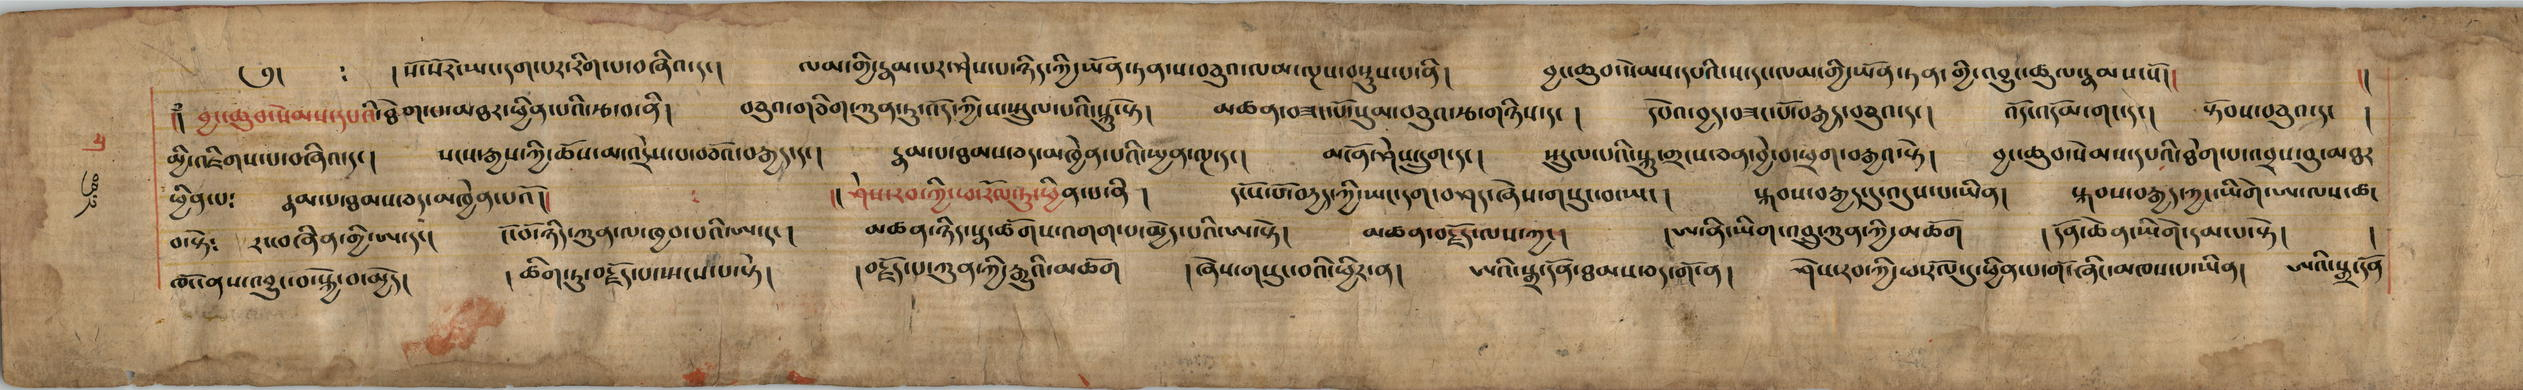༅། : ། སོ་སོར་ཡང་དག་པར་རིག་པ་བཞི་དང། ལམ་གྱི་རྣམ་པར་ཤེས་པ་ཉིད་ཀྱི་ཡོན་ཏན་ས་བཅུའ་ལམ་ལྔས་བསྡུས་པ་ནི། བྱང་ཆུབ་སེམས་དཔའི་ས་དང་ལམ་གྱི་ཡོན་ཏན་གྱི་འབྱུང་ཚུལ་རྣམས་སོ།།
།། བྱང་ཆུབ་སེམས་དཔའི་ཐེག་པ་མཐར་ཕྱིན་པའི་རྩ་བ་ནི། བཅུའ་གཅིག་ཀུན་ཏུ་འོད་ཀྱི་ས་སྤྲུལ་པའི་སྐུ་སྟེ། མཚན་བཟང་པོ་སུམ་བཅུའ་རྩ་གཉིས་དང། དཔེའ་བྱད་བཟང་པོ་བརྒྱད་བཅུའ་དང། འོད་འདོམ་གང་དང། སྟོབས་བཅུའ་དང །
མྱི་འཇིགས་པ་བཞིའ་དང། སངས་རྒྱས་ཀྱི་ཆོས་མ་འདྲེས་པ་བཅོའ་བརྒྱད་དང། རྣམ་པ་ཐམས་ཅད་མཁྱེན་པའི་སྤྱན་ལྔ་དང། མངོན་ཤེས་དྲུག་དང། སྤྲུལ་པའི་སྐུ་གྲངས་ཅན་བྱེ་བ་ཕྲག་བརྒྱའ་སྟེ། བྱང་ཆུབ་སེམས་དཔའི་ཐེག་པ་འབྲས་བུ་མཐར
ཕྱིན་པ: རྣམ་པ་ཐམས་ཅད་མཁྱེན་པའོ།། །།ཤེས་རབ་ཀྱི་ཕ་རོལ་ཏུ་ཕྱིན་པ་ནི ། དངོས་པོ་བརྱད་ཀྱི་ཡང་དག་བཤད་ཞེས་གསུང་བ་ཡང། སྐབས་བརྒྱད་དུ་འདུས་པ་ཡིན། སྐབས་བརྒྱད་ཀྱང་ཡིགེ་ཨ་ལས་ཚ་
བ་སྟེ: རང་བཞིན་གྱི་ཨ་དང། ངོ་བོ་ཉིད་ཀུན་ལ་ཁྱབ་པའི་ཨ་དང། མཚན་ཉིད་སྣ་ཚོགས་འགག་པ་མྱེད་པའི་ཨ་སྟེ། མཚན་བརྗོད་ལས་ཀྱང། །ཨ་ནི་ཡིག་འབྲུ་ཀུན་ཀྱི་མཆོག །དོན་ཆེན་ཡིགེ་དམ་པ་སྟེ།
ཁོང་ནས་འབྱུང་བ་སྐྱེ་བ་མྱེད། ། ཚིག་ཏུ་བརྗོད་པ་ཡངས་པ་སྟེ། །བརྗོད་པ་ཀུན་རྒྱུའི་མཆོག །ཞེས་གསུང་བའི་ཕྱིར་ན། ཨའི་སྒྲ་དོན་ཐམས་ཅད་གོ་ན། ཤེས་རབ་ཀྱི་ཕ་རོལ་དུ་ཕྱིན་པ་གོ་ཞིང་མཁས་པ་ཡིན། ཨའི་སྒྲ་དོན